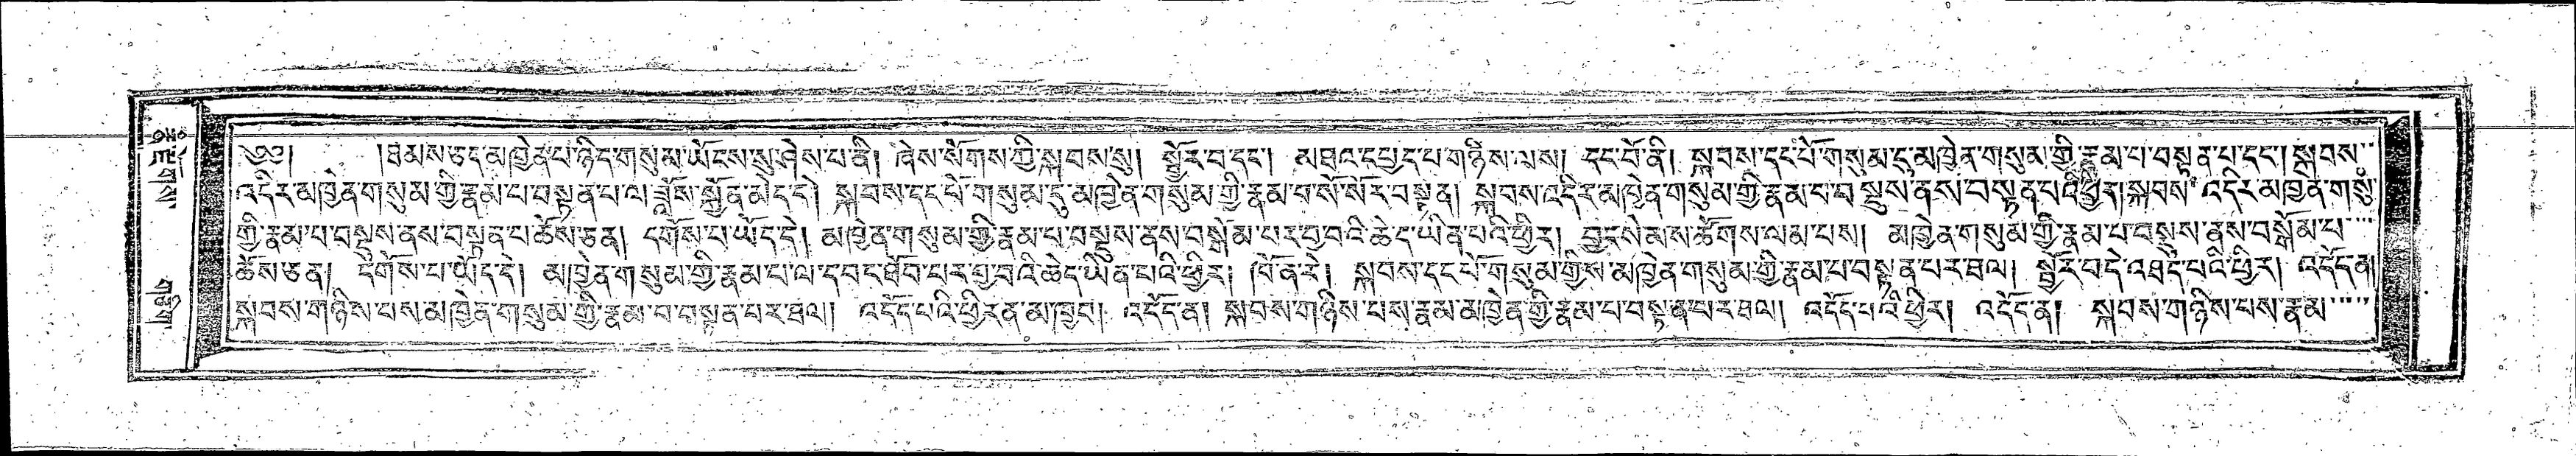༄༅། །ཐམས་ཅད་མཁྱེན་པ་ཉིད་གསུམ་ཡོངས་སུ་ཤེས་པ་ནི། ཞེས་སོགས་ཀྱི་སྐབས་སུ། སྦྱོར་བ་དང་། མཐའ་དཔྱད་པ་གཉིས་ལས། དང་པོ་ནི། སྐབས་དང་པོ་གསུམ་དུ་མཁྱེན་གསུམ་གྱི་རྣམ་པ་བསྟན་པ་དང་། སྐབས་
འདིར་མཁྱེན་གསུམ་གྱི་རྣམ་པ་བསྟན་པ་ལ་ཟློས་སྐྱོན་མེད་དེ། སྐབས་དང་པོ་གསུམ་དུ་མཁྱེན་གསུམ་གྱི་རྣམ་པ་སོ་སོར་བསྟན། སྐབས་འདིར་མཁྱེན་གསུམ་གྱི་རྣམ་པ་བསྡུས་ནས་བསྟན་པའི་ཕྱིར། སྐབས་འདིར་མཁྱེན་གསུམ་
གྱི་རྣམ་པ་བསྡུས་ནས་བསྟན་པ་ཆོས་ཅན། དགོས་པ་ཡོད་དེ། མཁྱེན་གསུམ་གྱི་རྣམ་པ་བསྡུས་ནས་བསྒོམ་པར་བྱ་བའི་ཆེད་ཡིན་པའི་ཕྱིར། བྱང་སེམས་ཚོགས་ལམ་པས། མཁྱེན་གསུམ་གྱི་རྣམ་པ་བསྡུས་ནས་བསྒོམ་པ་
ཆོས་ཅན། དགོས་པ་ཡོད་དེ། མཁྱེན་གསུམ་གྱི་རྣམ་པ་ལ་དབང་ཐོབ་པར་བྱ་བའི་ཆེད་ཡིན་པའི་ཕྱིར། ཁོ་ན་རེ། སྐབས་དང་པོ་གསུམ་གྱིས་མཁྱེན་གསུམ་གྱི་རྣམ་པ་བསྟན་པར་ཐལ། སྦྱོར་བ་དེ་འཐད་པའི་ཕྱིར། འདོད་ན།
སྐབས་གཉིས་པས་མཁྱེན་གསུམ་གྱི་རྣམ་པ་བསྟན་པར་ཐལ། འདོད་པའི་ཕྱིར་ན་མ་ཁྱབ། འདོད་ན། སྐབས་གཉིས་པས་རྣམ་མཁྱེན་གྱི་རྣམ་པ་བསྟན་པར་ཐལ། འདོད་པའི་ཕྱིར། འདོད་ན། སྐབས་གཉིས་པས་རྣམ་